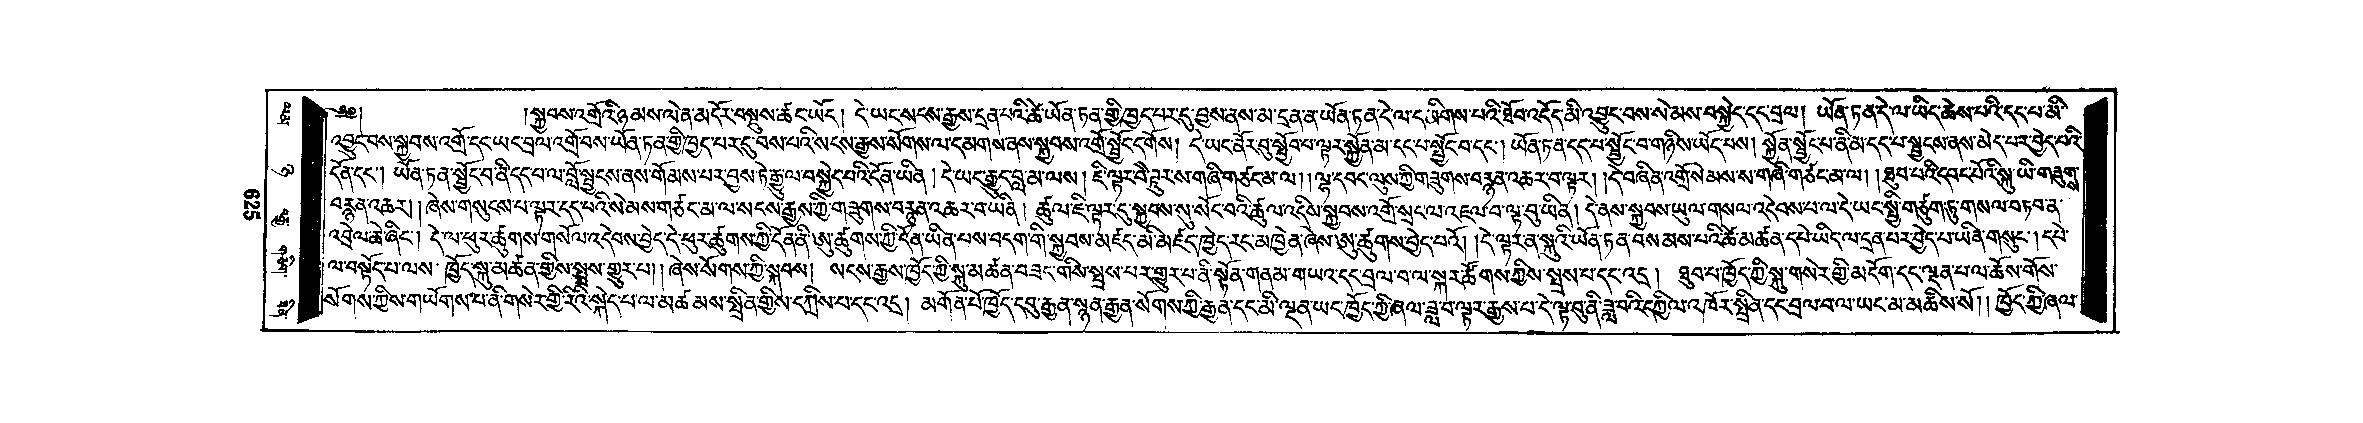༄༅། །སྐྱབས་འགྲོའི་ཉམས་ལེན་མདོར་བསྡུས་ཚང་ཡོད། དེ་ཡང་སངས་རྒྱས་དྲན་པའི་ཚེ་ཡོན་ཏན་གྱི་ཁྱད་པར་དུ་བྱས་ནས་མ་དྲན་ན་ཡོན་ཏན་དེ་ལ་དམིགས་པའི་ཐོབ་འདོད་མི་འབྱུང་བས་སེམས་བསྐྱེད་དང་བྲལ། ཡོན་ཏན་དེ་ལ་ཡིད་ཆེས་པའི་དད་པ་མི་.
འབྱུང་བས་སྐྱབས་འགྲོ་དང་ཡང་བྲལ་འགྲོ་བས་ཡོན་ཏན་གྱི་ཁྱད་པར་དུ་བས་པའི་སངས་རྒྱས་སོགས་ལ་དམགས་ནས་སྐྱབས་འགྲོ་སྦྱོང་དགོས། དེ་ཡང་ནོར་བུ་སྦྱོབ་པ་ལྟར་སྐྱོན་མ་དད་པ་སྦྱོང་བ་དང་། ཡོན་ཏན་དད་པ་སྦྱོང་བ་གཉིས་ཡོད་པས། སྐྱོན་སྦྱོང་པ་ནི་མ་དད་པ་སྦྱངས་ནས་མེད་པར་བྱེད་པའི་
དོན་དང་། ཡོན་ཏན་སྦྱོང་བ་ནི་དད་པ་ལ་བློ་སྦྱངས་ནས་གོམས་པར་བྱས་ཏེ་རྒྱུ་ལ་བསྐྱེད་པའི་དོན་ཡིན། དེ་ཡང་རྒྱུད་བླ་མ་ལས། ཇི་ལྟར་བཻཌཱུར་ས་གཞི་གཙང་མ་ལ། །ལྷ་དབང་ལུས་ཀྱི་གཟུགས་བརྙན་འཆར་བ་ལྟར། །དེ་བཞིན་འགྲོ་སེམས་ས་གཞི་གཙང་མ་ལ། །ཐུབ་པའི་དབང་པོའི་སྐུ་ཡི་གཟུགས་
བརྙན་འཆར། །ཞེས་གསུངས་པ་ལྟར་དད་པའི་སེམས་གཙང་མ་ལ་སངས་རྒྱས་ཀྱི་གཟུགས་བརྙན་འཆར་བ་ཡིན། ཚུལ་ཇི་ལྟར་དུ་སྐྱབས་སུ་སོང་བའི་ཚུལ་འདིས་སྐྱབས་འགྲོ་སྲང་ལ་འཇལ་བ་ལྟ་བུ་ཡིན། དེ་ནས་སྐྱབས་ཡུལ་གསལ་འདེབས་པ་ལ་དེ་ཡང་སྤྱི་གཙུག་ཏུ་གསལ་བཏབ་ན་
འབྲེལ་ཆེ་ཞིང་། དེ་ལ་ཕུར་ཚུགས་གསོལ་འདེབས་བྱེད་དེ་ཕུར་ཚུགས་ཀྱི་དོན་ནི་ཨུ་ཚུགས་ཀྱི་དོན་ཡིན་པས་བདག་གི་སྐྱབས་མཛད་མི་མཛད་ཁྱེད་རང་མཁྱེན་ཞེས་ཨུ་ཚུགས་བྱེད་པའོ། །དེ་ལྟར་ན་སྐུའི་ཡོན་ཏན་བསམས་པའི་ཚེ་མཚན་དཔེ་ཡིད་ལ་དྲན་པར་བྱེད་པ་ཡིན་གསུང་། དཔེ་
ལ་བསྟོད་པ་ལས། ཁྱོད་སྐུ་མཚན་གྱིས་སྤྲས་གྱུར་པ། ཞེས་སོགས་ཀྱི་སྐབས། སངས་རྒྱས་ཁྱོད་ཀྱི་སྐུ་མཚན་བཟང་གིས་སྤྲས་པར་གྱུར་པ་ནི་སྟོན་གནམ་གཡའ་དང་བྲལ་བ་ལ་སྐར་ཚོགས་ཀྱིས་སྤྲས་པ་དང་འདྲ། ཐུབ་པ་ཁྱོད་ཀྱི་སྐུ་གསེར་གྱི་མདོག་དང་ལྡན་པ་ལ་ཆོས་གོས་
སོགས་ཀྱིས་གཡོགས་པ་ནི་གསེར་གྱི་རིའི་སྐེད་པ་ལ་མཚམས་སྤྲིན་གྱིས་དཀྲིས་པ་དང་འདྲ། མགོན་པོ་ཁྱོད་དབུ་རྒྱན་སྙན་རྒྱན་སོགས་ཀྱི་རྒྱན་དང་མི་ལྡན་ཡང་ཁྱོད་ཀྱི་ཞལ་ཟླ་བ་ལྟར་རྒྱས་པ་དེ་ལྟ་བུ་ནི་ཟླ་བའི་དཀྱིལ་འཁོར་སྤྲིན་དང་བྲལ་བ་ལ་ཡང་མ་མཆིས་སོ། །ཁྱོད་ཀྱི་ཞལ་